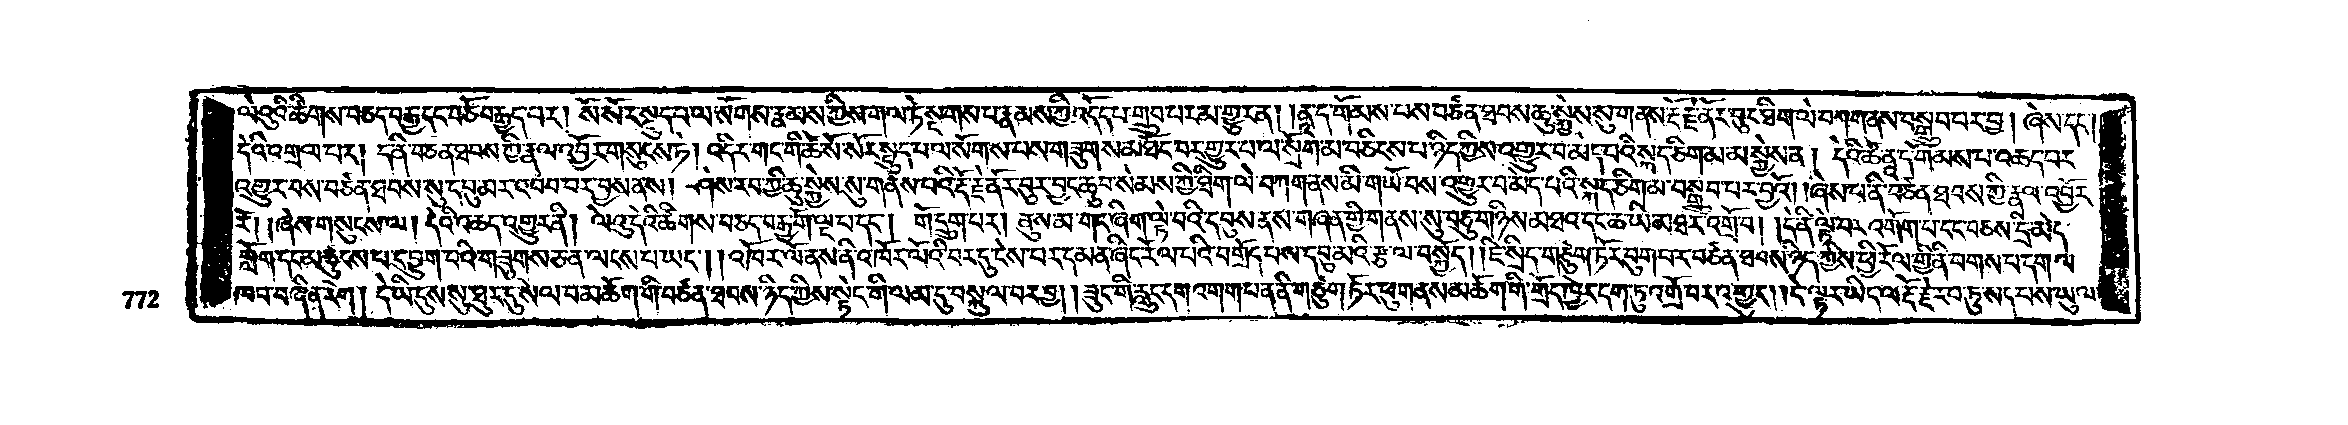ལེའུའི་ཚིགས་བཅད་བརྒྱ་དང་བཅོ་བརྒྱད་པར། སོ་སོར་སྡུད་པ་ལ་སོགས་རྣམས་ཀྱིས་གལ་ཏེ་སྔགས་པ་རྣམས་ཀྱི་འདོད་པ་གྲུབ་པར་མ་གྱུར་ན། །ནཱ་ད་གོམས་པས་བཙན་ཐབས་ཆུ་སྐྱེས་སུ་གནས་རྡོ་རྗེ་ནོར་བུར་ཐིག་ལེ་བཀག་ནས་བསྒྲུབ་པར་བྱ། ཞེས་དང་།
དེའི་འགྲེལ་པར། ད་ནི་བཙན་ཐབས་ཀྱི་རྣལ་འབྱོར་གསུངས་ཏེ། འདིར་གང་གི་ཚེ་སོ་སོར་སྡུད་པ་ལ་སོགས་པས་གཟུགས་མཐོང་བར་གྱུར་པ་ལ་སྲོག་མ་བཅིངས་པ་ཉིད་ཀྱིས་འགྱུར་བ་མེད་པའི་སྐད་ཅིག་མ་མ་སྐྱེས་ན། དེའི་ཚེ་ནཱ་དེ་གོམས་པ་འཆད་པར་
འགྱུར་བས་བཙན་ཐབས་སུ་དབུ་མར་འབབ་པར་བྱས་ནས། ཤེས་རབ་ཀྱི་ཆུ་སྐྱེས་སུ་གནས་པའི་རྡོ་རྗེ་ནོར་བུར་བྱང་ཆུབ་སེམས་ཀྱི་ཐིག་ལེ་བཀག་ནས་མི་གཡོ་བས་འགྱུར་བ་མེད་པའི་སྐད་ཅིག་མ་བསྒྲུབ་པར་བྱའོ། །ཞེས་པ་ནི་བཙན་ཐབས་ཀྱི་རྣལ་འབྱོར་
རོ། །ཞེས་གསུངས་ལ། དེའི་འཆད་འགྱུར་ནི། ལེའུ་དེའི་ཚིགས་བཅད་བརྒྱ་གོ་ལྔ་པ་དང་། གོ་དྲུག་པར། ནུས་མ་གང་ཞིག་ལྟེ་བའི་དབུས་ནས་གཞན་གྱི་གནས་སུ་བཅུ་གཉིས་མཐའ་དང་ཆ་ཡི་མཐར་འགྲོ་བ། །དེ་ནི་ལྟེ་བར་འགོག་པ་དང་བཅས་དྲི་མེད་
གློག་དང་མཚུངས་པ་དབྱུག་པའི་གཟུགས་ཅན་ལངས་པ་ཡང་། །འཁོར་ལོ་ནས་ནི་འཁོར་ལོའི་བར་དུ་ངེས་པར་དམན་ཞིང་རོལ་པའི་བགྲོད་པས་དབུ་མའི་རྩ་ལ་བསྐྱོད། །ཇི་སྲིད་གཙུག་ཏོར་བུག་པར་བཙན་ཐབས་ཉིད་ཀྱིས་ཕྱི་རོལ་གྱི་ནི་པགས་པ་དག་ལ་
ཁབ་བཞིན་རེག །དེ་ཡི་དུས་སུ་ཐུར་དུ་སེལ་བ་མཆོག་གི་བཙན་ཐབས་ཉིད་ཀྱིས་སྟེང་གི་ལམ་དུ་བསྐུལ་བར་བྱ། །ཟུང་གི་རླུང་དག་འགག་པ་ན་ནི་གཙུག་ཏོར་ཕུག་ནས་མཆོག་གི་གྲོང་ཁྱེར་དག་ཏུ་འགྲོ་བར་འགྱུར། །དེ་ལྟར་ཡིད་ལ་རྡོ་རྗེ་རབ་ཏུ་སད་པས་ཡུལ་